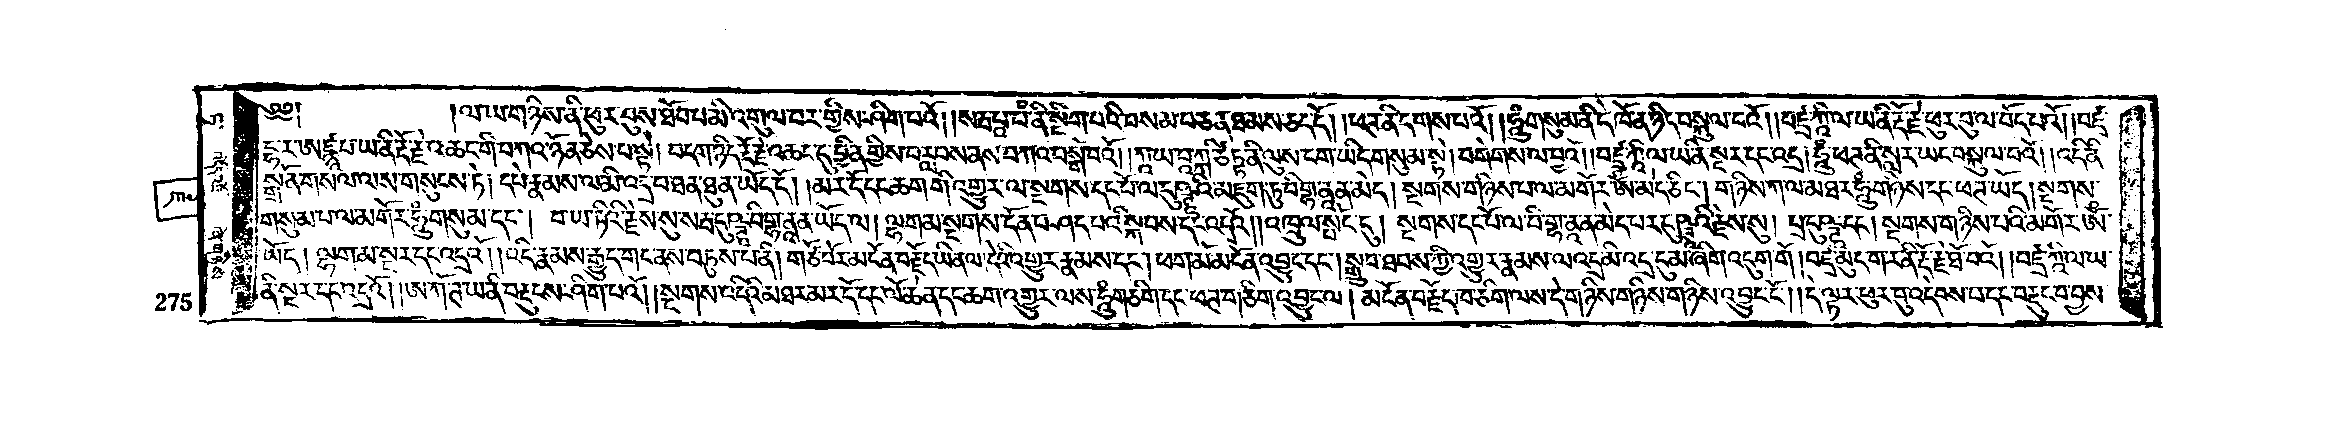༄༅། །ལ་ཡ་གཉིས་ནི་ཕུར་བུས་ཐོབ་པ་མི་འགུལ་བར་གྱིས་ཤིག་པའོ། །སརྦ་པཱ་པཾ་ནི་སྡིག་པའི་བསམ་པ་ཅན་ཐམས་ཅད་དོ། །ཕཊ་ནི་དགོས་པའོ། །ཧཱུཾ་གསུམ་ནི་དེ་ཁོ་ན་ཉིད་བསྐུལ་བའོ། །བཛྲ་ཀཱི་ལ་ཡ་ནི་རྡོ་རྗེ་ཕུར་བུ་ལ་བོད་པའོ། །བཛྲ་
དྷ་ར་ཨཛྙཱ་པ་ཡ་ནི་རྡོ་རྗེ་འཆང་གི་བཀའ་ཉོན་ཅེས་པ་སྟེ། བདག་ཉིད་རྡོ་རྗེ་འཆང་དུ་བྱིན་གྱིས་བརླབས་ནས་བཀའ་བསྒོ་པའོ། །ཀཱ་ཡ་བཱ་ཀྐ་ཙིཏྟ་ནི་ལུས་ངག་ཡིད་གསུམ་སྟེ། བགེགས་ལ་བྱའོ། །བཛྲ་ཀཱི་ལ་ཡ་ནི་སྔར་དང་འདྲ། ཧཱུཾ་ཕཊ་ནི་སླར་ཡང་བསྐུལ་བའོ། །འདི་ནི་
སྒྲོན་གསལ་ལས་གསུངས་ཏེ། དཔེ་རྣམས་ལ་མི་འདྲ་བ་ཐན་ཐུན་ཡོད་དོ། །མར་དོ་དང་ཆག་གི་འགྱུར་ལ་སྔགས་དང་པོ་ལ་དུཥྚཱའི་མཇུག་ཏུ་བིགྷ་ནཱན་མེད། སྔགས་གཉིས་པ་ལ་མགོར་ཨོཾ་མེད་ཅིང་། གཉིས་ཀ་ལ་མཐར་ཧཱུཾ་གཉིས་དང་ཕཊ་ཡོད། སྔགས་
གསུམ་པ་ལ་མགོར་ཧཱུཾ་གསུམ་དང་། བ་ཡ་ཏིའི་རྗེས་སུ་སརྦ་དུཥྚཱ་བིགྷ་ནཱན་ཡོད་ལ། ལྷག་མ་སྔགས་དོན་བཤད་པའི་སྐབས་དང་འདྲའོ། །འཁྲུལ་སྤོང་དུ། སྔགས་དང་པོ་ལ་བི་གྷ་ནཱ་ན་མེད་པར་དུཥྚཱའི་རྗེས་སུ། པྲ་དུཥྚཱ་དང་། སྔགས་གཉིས་པའི་མགོར་ཨོཾ་
ཡོད། ལྷག་མ་སྔར་དང་འདྲའོ། །འདི་རྣམས་རྒྱུད་གང་ནས་བཏུས་པ་ནི། གཙོ་བོར་མངོན་བརྗོད་ཡིན་ལ། དེའི་འགྱུར་རྣམས་དང་། ཕག་མོ་མངོན་འབྱུང་དང་། སྒྲུབ་ཐབས་ཀྱི་འགྱུར་རྣམས་ལ་འདྲ་མི་འདྲ་དུ་མ་ཞིག་འདུག་གོ །བཛྲ་མུད་ག་ར་ནི་རྡོ་རྗེ་ཐོ་བའོ། །བཛྲ་ཀཱི་ལ་ཡ་
ནི་སྔར་དང་འདྲའོ། །ཨ་ཀོ་ཊ་ཡ་ནི་བརྡུངས་ཤིག་པའོ། །སྔགས་འདིའི་མཐར་མར་དོ་དང་ལོ་ཆེན་དང་ཆག་འགྱུར་ལས་ཧཱུཾ་གཅིག་དང་ཕཊ་གཅིག་འབྱུང་ལ། མངོན་བརྗོད་ཁ་ཅིག་ལས་དེ་གཉིས་གཉིས་གཉིས་འབྱུང་ངོ། །དེ་ལྟར་ཕུར་བུ་འདེབས་པ་དང་བརྡུང་བ་བྱས་